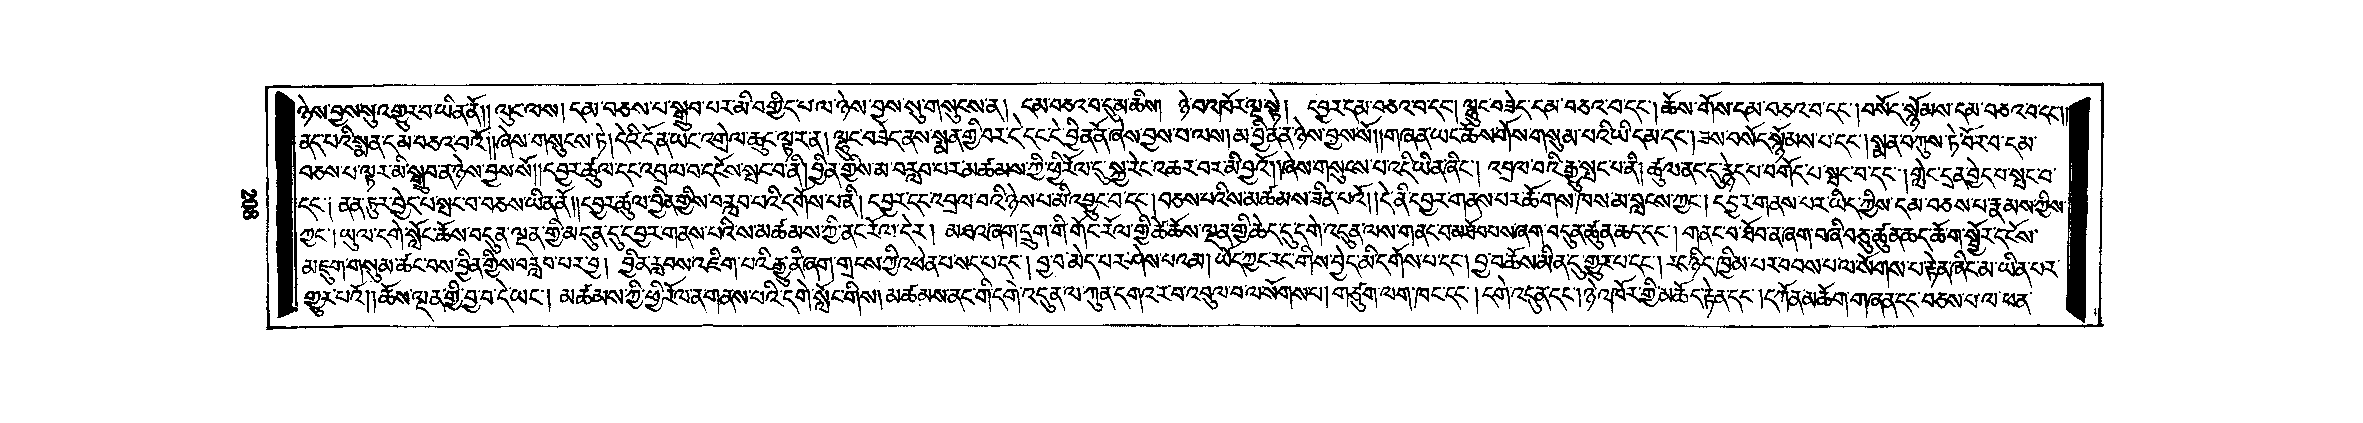ཉེས་བྱས་སུ་འགྱུར་བ་ཡིན་ནོ། །ལུང་ལས། དམ་བཅས་པ་སྒྲུབ་པར་མི་བགྱིད་པ་ལ་ཉེས་བྱས་སུ་གསུངས་ན། དམ་བཅའ་བ་དུ་མ་ཆིས། ཉེ་བ་འཁོར་ལྔ་སྟེ། དབྱར་དམ་བཅའ་བ་དང་། ལྷུང་བཟེད་དམ་བཅའ་བ་དང་། ཆོས་གོས་དམ་བཅའ་བ་དང་། བསོད་སྙོམས་དམ་བཅའ་བ་དང་།
ནད་པའི་སྨན་དམ་བཅའ་བའོ། །ཞེས་གསུངས་ཏེ། དེའི་དོན་ཡང་འགྲེལ་ཆུང་ལྟར་ན། ལྷུང་བཟེད་ནས་སྨན་གྱི་བར་དེ་དང་དེ་བྱིན་ནོ་ཞེས་བྱས་པ་ལས། མ་བྱིན་ན་ཉེས་བྱས་སོ། །གཞན་ཡང་ཆོས་གོས་གསུམ་པའི་ཡི་དམ་དང་། ཟས་བསོད་སྙོམས་པ་དང་། སྨན་བཀུས་ཏེ་བོར་བ་དམ་
བཅས་པ་ལྟར་མི་སྒྲུབ་ན་ཉེས་བྱས་སོ། །དབྱར་ཚུལ་དང་འབྲལ་བ་དངོས་སྤང་བ་ནི། བྱིན་གྱིས་མ་བརླབ་པར་མཚམས་ཀྱི་ཕྱི་རོལ་དུ་སྐྱ་རེང་འཆར་བར་མི་བྱའོ། །ཞེས་གསུངས་པ་འདི་ཡིན་ཞིང་། འབྲལ་བའི་རྒྱུ་སྤང་པ་ནི། ཚུལ་ནང་དུ་རྙེད་པ་བགོད་པ་སྤང་བ་དང་། གླེང་དྲན་བྱེད་པ་སྤང་བ་
དང་། ནན་ཏུར་བྱེད་པ་སྤང་བ་བཅས་ཡིན་ནོ། །དབྱར་ཚུལ་བྱིན་གྱིས་བརླབ་པའི་དགོས་པ་ནི། དབྱར་དང་འབྲལ་བའི་ཉེས་པ་མི་འབྱུང་བ་དང་། བཅས་པའི་ས་མཚམས་ཟིན་པའོ། །དེ་ནི་དབྱར་གནས་པར་ཆོ་གས་ཁས་མ་བླངས་ཀྱང་། དབྱར་གནས་པར་ཡིད་ཀྱིས་དམ་བཅས་པ་རྣམས་ཀྱིས་
ཀྱང་། ཡུལ་དགེ་སློང་ཆོས་བདུན་ལྡན་གྱི་མདུན་དུ་དབྱར་གནས་པའི་ས་མཚམས་ཀྱི་ནང་རོལ་དེར། མཐའ་ཞག་དྲུག་གི་གོང་རོལ་གྱི་ཚེ་ཆོས་ལྡན་གྱི་ཆེད་དུ་དགེ་འདུན་ལས་གནང་བ་མཐོ་བས་ཞག་བདུན་ཚུན་ཆད་དང་། གནང་བ་ཐོབ་ན་ཞག་བཞི་བཅུ་ཚུན་ཆད་ཆོག་སྦྱོར་དངོས་
མཇུག་གསུམ་ཚང་བས་བྱིན་གྱིས་བརླབ་པར་བྱ། བྱིན་རླབས་འཇིག་པའི་རྒྱུ་ནི་ཞག་གྲངས་ཀྱི་འཕེན་པ་སད་པ་དང་། བྱ་བ་མེད་པར་ཤེས་པའམ། ཡོད་ཀྱང་རང་གིས་བྱེད་མི་དགོས་པ་དང་། བྱང་བ་ཆོས་མིན་དུ་གྱུར་པ་དང་། རང་ཉིད་ཁྱིམ་པར་བབས་པ་ལ་སོགས་པ་རྟེན་ཞིང་མ་ཡིན་པར་
གྱུར་པའོ། །ཆོས་ལྡན་གྱི་བྱ་བ་དེ་ཡང་། མཚམས་ཀྱི་ཕྱི་རོལ་ན་གནས་པའི་དགེ་སློང་གིས། མཚམས་ནང་གི་དགེ་འདུན་ལ་ཀུན་དགའ་ར་བ་འབུལ་བ་ལ་སོགས་པ། གཙུག་ལག་ཁང་དང་། དགེ་འདུན་དང་། ཉེ་འཁོར་གྱི་མཆོད་རྟེན་དང་། དཀོན་མཆོག་གཞན་དང་བཅས་པ་ལ་ཕན་